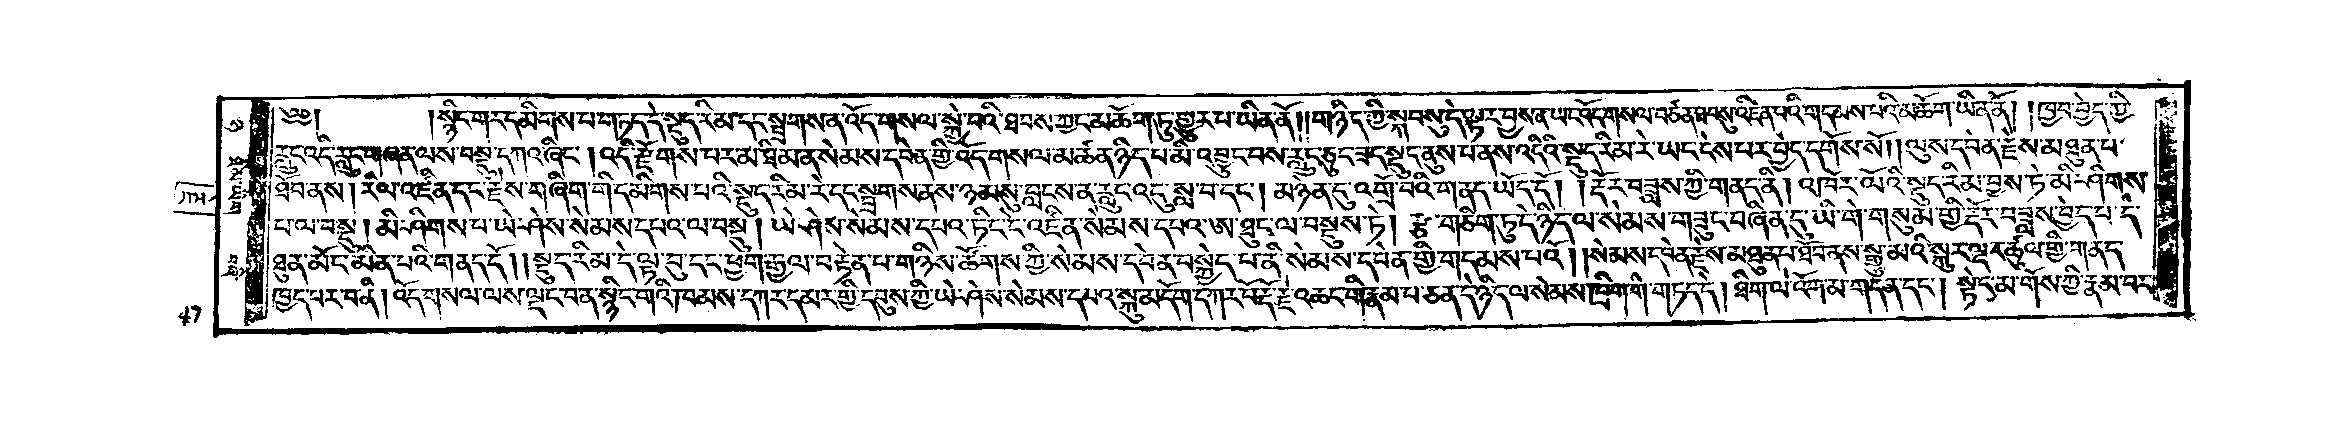༄༅། །སྙིང་གར་དམིགས་པ་གཏད་དེ་སྡུད་རིམ་དང་སྦྲགས་ན་འོད་གསལ་སྐྱེ་བའི་ཐབས་ཀྱང་མཆོག་ཏུ་གྱུར་པ་ཡིན་ནོ། །གཉིད་ཀྱི་སྐབས་སུ་དེ་ལྟར་བྱས་ན་ཡང་འོད་གསལ་བཙན་ཐབས་སུ་འཛིན་པའི་གདམས་པའི་མཆོག་ཡིན་ནོ། །ཁྱབ་བྱེད་ཀྱི་
རླུང་འདི་རླུང་གཞན་ལས་བསྡུ་དཀའ་ཞིང་། འདི་རྫོགས་པར་མ་ཐིམ་ན་སེམས་དབེན་གྱི་འོད་གསལ་མཚན་ཉིད་པ་མི་འབྱུང་བས་རླུང་ཅུང་ཟད་སྡུད་ནུས་པ་ནས་འདིའི་སྡུད་རིམ་རེ་ཡང་ངེས་པར་བྱེད་དགོས་སོ། །ལུས་དབེན་རྗེས་མཐུན་པ་
ཐོབ་ནས། རིལ་འཛིན་དང་རྗེས་གཞིག་གི་དམིགས་པའི་སྡུད་རིམ་རེ་དང་སྦྲགས་ནས་ཉམས་སུ་བླངས་ན་རླུང་འདུ་སླ་བ་དང་། མཉེན་དུ་འགྲོ་བའི་གནད་ཡོད་དོ། །རྡོར་བཟླས་ཀྱི་གནད་ནི། འཁོར་ལོའི་སྡུད་རིམ་བྱས་ཏེ་མི་ཤིགས་
པ་ལ་བསྡུ། མི་ཤིགས་པ་ཡེ་ཤེས་སེམས་དཔའ་ལ་བསྡུ། ཡེ་ཤེས་སེམས་དཔའ་ཏིང་ངེ་འཛིན་སེམས་དཔའ་ཨ་ཐུང་ལ་བསྡུས་ཏེ། རྩ་གཅིག་ཏུ་དེ་ཉིད་ལ་སེམས་གཟུང་བཞིན་དུ་ཡི་གེ་གསུམ་གྱི་རྡོར་བཟླས་བྱེད་པ་དེ་
ཐུན་མོང་མིན་པའི་གནད་དོ། །སྡུད་རིམ་དེ་ལྟ་བུ་དང་ཕྱག་རྒྱ་ལ་བརྟེན་པ་གཉིས་ཚོགས་ཀྱི་སེམས་དབེན་བསྐྱེད་པ་ནི་སེམས་དབེན་གྱི་གདམས་པའོ། །སེམས་དབེན་རྗེས་མཐུན་པ་ཐོབ་ནས་སྒྱུ་མའི་སྐུར་ལྡང་ཚུལ་གྱི་གནད་
ཁྱད་པར་བ་ནི། འོད་གསལ་ལས་ལྡང་བ་ན་སྙིང་གའི་ཁམས་དཀར་དམར་གྱི་དབུས་ཀྱི་ཡེ་ཤེས་སེམས་དཔའ་སྐུ་མདོག་དཀར་པོ་རྡོ་རྗེ་འཆང་གི་རྣམ་པ་ཅན་དེ་ཉིད་ལ་སེམས་ཁྲིག་གེ་གཏད་དེ། ཐིག་ལེ་འོག་མ་གདན་དང་། སྟེང་མ་གོས་ཀྱི་རྣམ་པར་